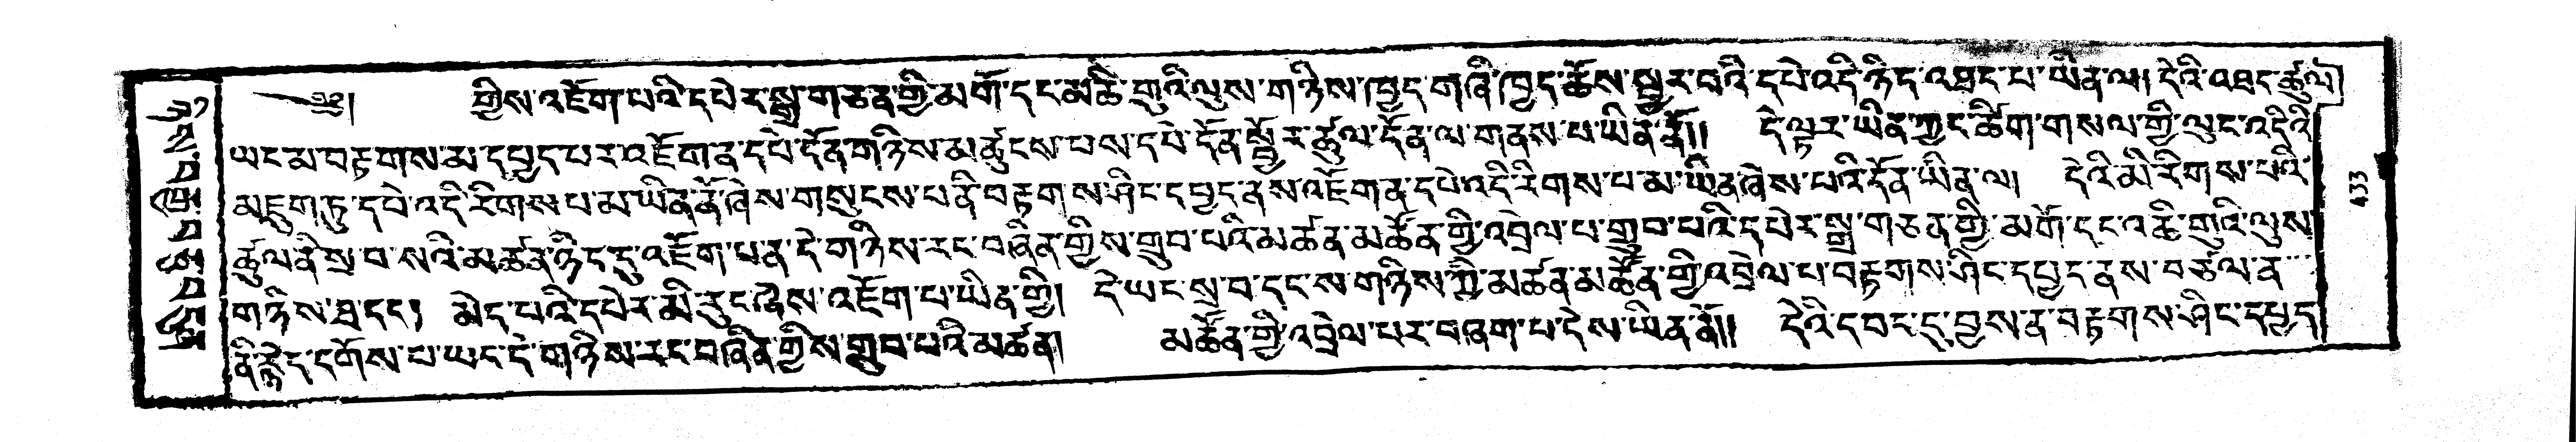༄༅། །གྱིས་འཇོག་པའི་དཔེར་སྒྲ་གཅན་གྱི་མགོ་དང་མཆི་གུའི་ལུས་གཉིས་ཁྱད་གཞི་ཁྱད་ཆོས་སྦྱར་བའི་དཔེ་འདི་ཉིད་འཐད་པ་ཡིན་ལ། དེའི་འཐད་ཚུལ་
ཡང་མ་བརྟགས་མ་དཔྱད་པར་འཇོག་ན་དཔེ་དོན་གཉིས་མཚུངས་པས་དཔེ་དོན་སྦྱོར་ཚུལ་དོན་ལ་གནས་པ་ཡིན་ནོ། །དེ་ལྟར་ཡིན་ཀྱང་ཚིག་གསལ་གྱི་ལུང་འདིའི་
མཇུག་ཏུ་དཔེ་འདི་རིགས་པ་མ་ཡིན་ནོ་ཞེས་གསུངས་པ་ནི་བརྟགས་ཤིང་དཔྱད་ནས་འཇོག་ན་དཔེ་འདི་རིགས་པ་མ་ཡིན་ཞེས་པའི་དོན་ཡིན་ལ། དེའི་མི་རིགས་པའི་
ཚུལ་ནི་སྲབ་སའི་མཚན་ཉིད་དུ་འཇོག་པ་ན་དེ་གཉིས་རང་བཞིན་གྱིས་གྲུབ་པའི་མཚན་མཚོན་གྱི་འབྲེལ་པ་གྲུབ་པའི་དཔེར་སྒྲ་གཅན་གྱི་མགོ་དང་འཆི་གུའི་ལུས་
གཉིས་ཐ་དང་། མེད་པའི་དཔེར་མི་རུང་ཞེས་འཇོག་པ་ཡིན་གྱི། དེ་ཡང་སྲ་བ་དང་ས་གཉིས་ཀྱི་མཚན་མཚོན་གྱི་འབྲེལ་པ་བརྟགས་ཤིང་དཔྱད་ནས་བཙལ་ན་
ནི་རྙེད་དགོས་པ་ཡང་དེ་གཉིས་རང་བཞིན་གྱིས་གྲུབ་པའི་མཚན། མཚོན་གྱི་འབྲེལ་པར་བཞག་པ་དེས་ཡིན་ནོ། །དེའི་དབང་དུ་བྱས་ན་བརྟགས་ཤིང་དཔྱད་